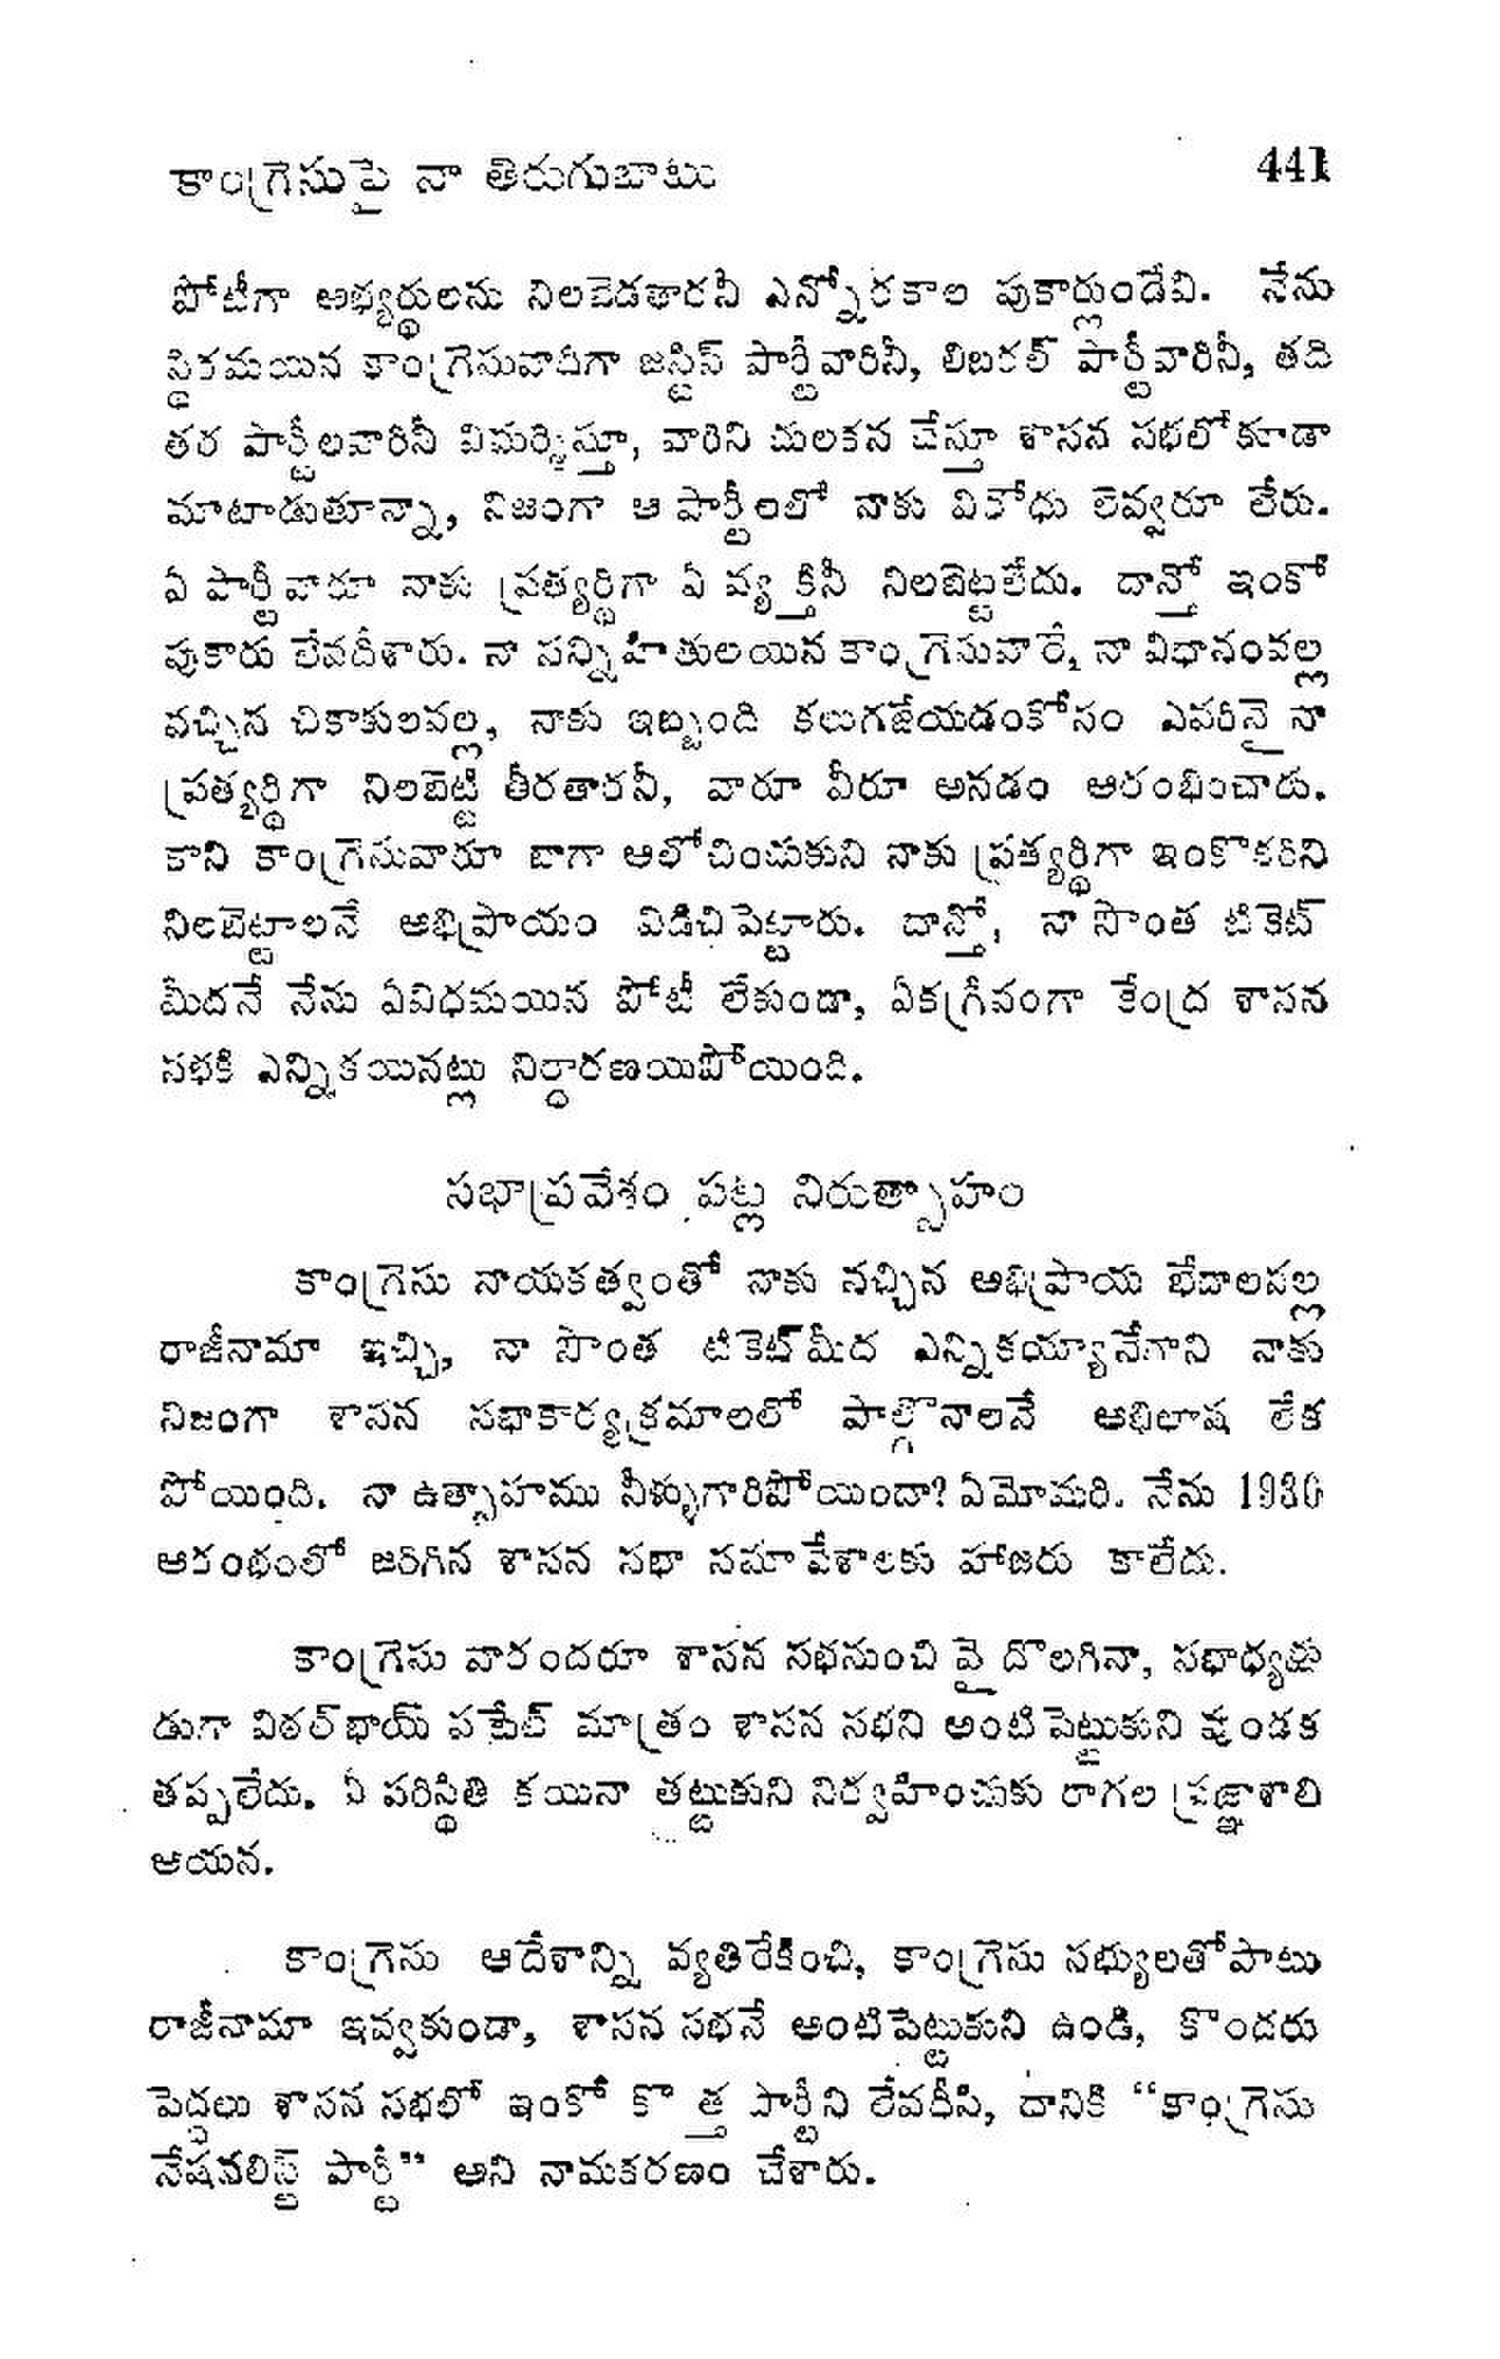పోటీగా అభ్యర్థులను నిలబెడతారనీ ఎన్నోరకాల పుకార్లుండేవి. నేను స్థిరమయిన కాంగ్రెసువాదిగా జస్టిస్ పార్టీవారినీ, లిబరల్ పార్టీవారినీ, తదితర పార్టీలవారినీ విమర్శిస్తూ, వారిని చులకన చేస్తూ శాసన సభలోకూడా మాటాడుతూన్నా, నిజంగా ఆ పార్టీలలో నాకు విరోధు లెవ్వరూ లేరు. ఏ పార్టీ వారు నాకు ప్రత్యర్థిగా ఏ వ్యక్తినీ నిలబెట్టలేదు. దాన్తో ఇంకో పుకారు లేవదీశారు. నా సన్నిహితులయిన కాంగ్రెసువారే, నా విధానంవల్ల వచ్చిన చికాకులవల్ల, నాకు ఇబ్బంది కలుగజేయడంకోసం ఎవరినైనా ప్రత్యర్థిగా నిలబెట్టి తీరతారనీ, వారూ వీరూ అనడం ఆరంభించారు. కాని కాంగ్రెసువారూ బాగా ఆలోచించుకుని నాకు ప్రత్యర్థిగా ఇంకొకరిని నిలబెట్టాలనే అభిప్రాయం విడిచిపెట్టారు. దాన్తో, నా సొంత టికెట్ మీదనే నేను ఏవిధమయిన పోటీ లేకుండా, ఏకగ్రీవంగా కేంద్ర శాసన సభకి ఎన్నికయినట్లు నిర్ధారణయిపోయింది.

కాంగ్రెసు నాయకత్వంతో నాకు వచ్చిన అభిప్రాయ భేదాలవల్ల రాజీనామా ఇచ్చి, నా సొంత టికెట్‌మీద ఎన్నికయ్యానేగాని నాకు నిజంగా శాసన సభాకార్యక్రమాలలో పాల్గొనాలనే అభిలాష లేకపోయింది. నా ఉత్సాహము నీళ్ళుగారిపోయిందా? ఏమోమరి. నేను 1930 ఆరంభంలో జరిగిన శాసన సభా సమావేశాలకు హాజరు కాలేదు.

కాంగ్రెసు వారందరూ శాసన సభనుంచి వై దొలగినా, సభాధ్యక్షుడుగా విఠల్‌భాయ్ పటేల్ మాత్రం శాసన సభని అంటి పెట్టుకుని వుండక తప్పలేదు. ఏ పరిస్థితి కయినా తట్టుకుని నిర్వహించుకు రాగల ప్రజ్ఞాశాలి ఆయన.

కాంగ్రెసు ఆదేశాన్ని వ్యతిరేకించి, కాంగ్రెసు సభ్యులతోపాటు రాజీనామా ఇవ్వకుండా, శాసన సభనే అంటిపెట్టుకుని ఉండి, కొందరు పెద్దలు శాసన సభలో ఇంకో కొత్త పార్టీని లేవదీసి, దానికి "కాంగ్రెసు నేషనలిస్ట్ పార్టీ" అని నామకరణం చేశారు.